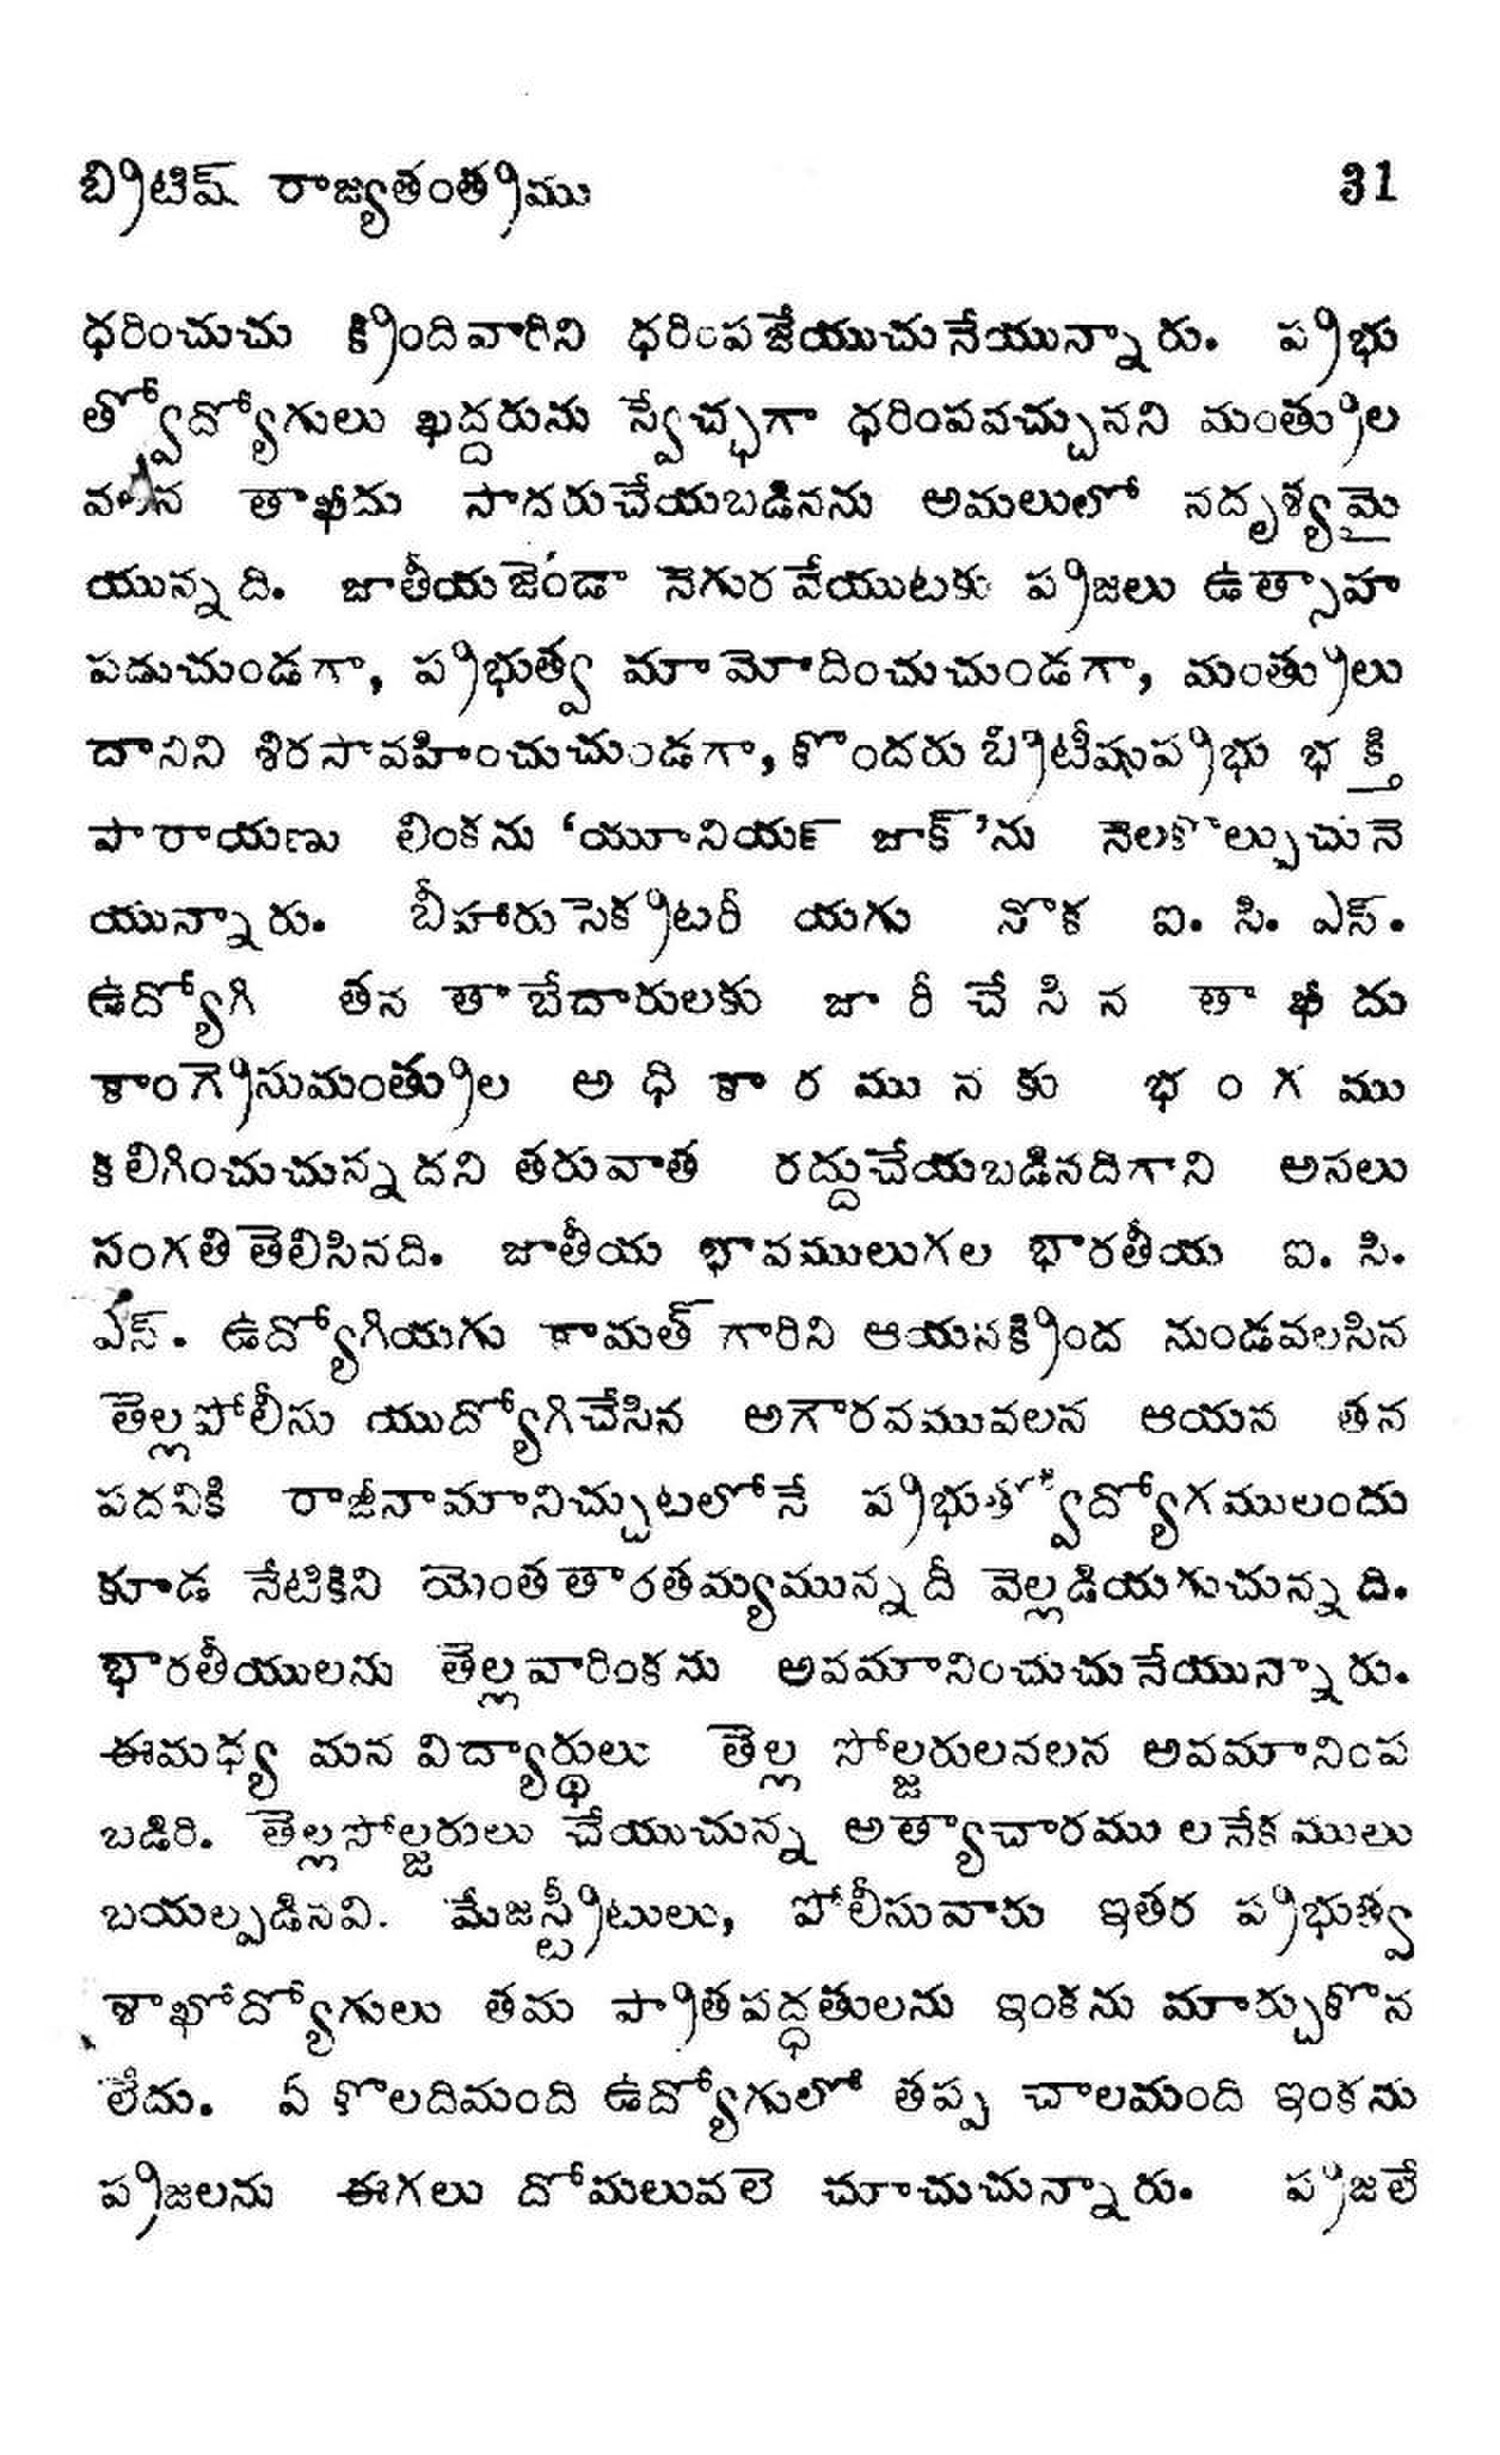ధరించుచు క్రిందివారిని ధరింపజేయుచునేయున్నారు. ప్రభుత్వోద్యోగులు ఖద్దరును స్వేచ్ఛగా ధరింపవచ్చునని మంత్రులవలన తాఖీదు సాదరుచేయబడినను అమలులో నదృశ్యమై యున్నది. జాతీయజెండా నెగురవేయుటకు ప్రజలు ఉత్సాహ పడుచుండగా, ప్రభుత్వ మామోదించుచుండగా, మంత్రులు దానిని శిరసావహించుచుండగా, కొందరు బ్రిటీషుప్రభు భక్తి పారాయణు లింకను 'యూనియ౯ జాక్'ను నెలకొల్పుచునె యున్నారు. బీహారుసెక్రటరీ యగు నొక ఐ. సి. ఎస్. ఉద్యోగి తన తాబేదారులకు జూరీచేసిన తాఖీదు కాంగ్రెసుమంత్రుల అధికారమునకు భంగము కలిగించుచున్నదని తరువాత రద్దుచేయబడినదిగాని అసలు సంగతితెలిసినది. జాతీయ భావములుగల భారతీయ ఐ. సి. ఎస్. ఉద్యోగియగు కామత్ గారిని ఆయనక్రింద నుండవలసిన తెల్లపోలీసు యుద్యోగిచేసిన అగౌరవమువలన ఆయన తనపదవికి రాజీనామానిచ్చుటలోనే ప్రభుత్వద్యోగములందు కూడ నేటికిని యెంతతారతమ్యమున్నదీ వెల్లడియగుచున్నది. భారతీయులను తెల్లవారింక ను అవమానించుచునేయున్నారు. ఈమధ్య మన విద్యార్థులు తెల్ల సోల్జరులవలన అవమానింపబడిరి. తెల్లసోల్జరులు చేయుచున్న అత్యాచారము లనేకములు బయల్పడినవి. మేజస్ట్రీటులు, పోలీసువారు ఇతర ప్రభుత్వ శాఖోద్యోగులు తమ ప్రాతపద్ధతులను ఇంకను మార్చుకొన లేదు. ఏ కొలదిమంది ఉద్యోగులో తప్ప చాలమంది ఇంకను ప్రజలను ఈగలు దోమలువలె చూచుచున్నారు. ప్రజలే